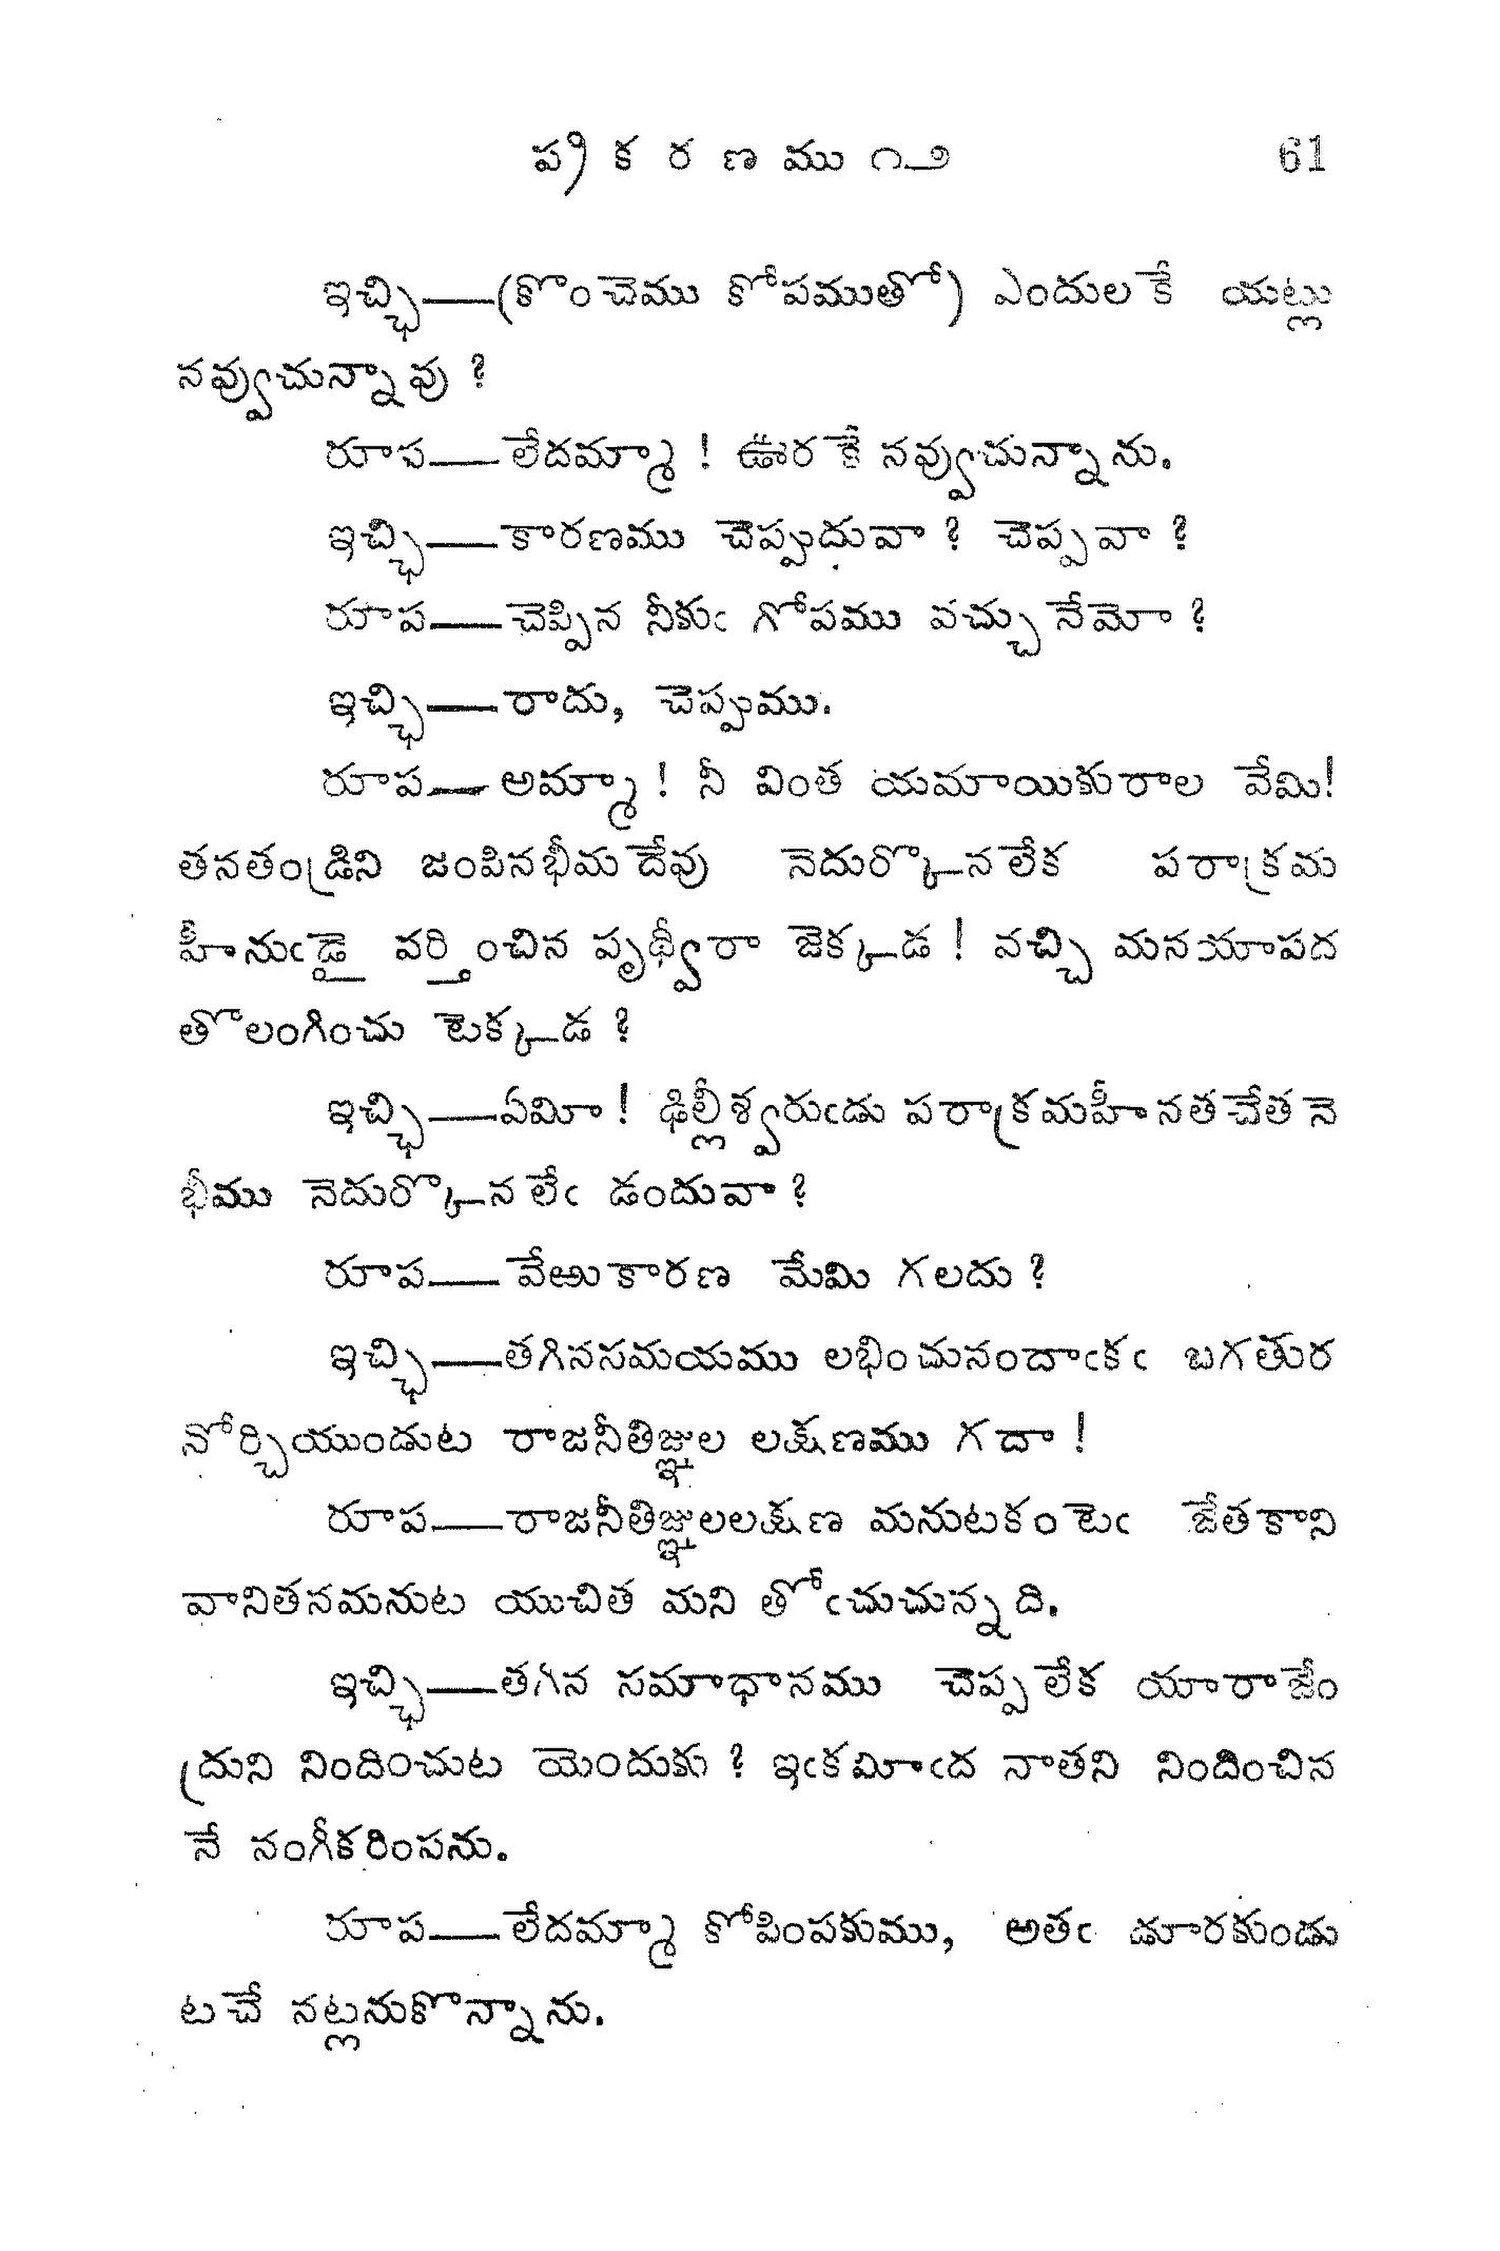-

ఇచ్చి. (కొంచెము కోపముతో) ఎందులకే యట్లు నవ్వుచున్నావు ?

రూప: లేదమ్మా ! ఊరకే నవ్వుచున్నాను.

ఇచ్చి:— కారణము చెప్పుదువా ? చెప్పవా ?

రూప: చెప్పిన నీకుఁ గోపము వచ్చు నేమో !

ఇచ్చి:— రాదు, చెప్పుము.

రూప: అమ్మా ! నీ వింత యమాయికురాల వేమి! తనతండ్రిని జంపిన భీమ దేవు నెదుర్కొన లేక
పరాక్రమహీనుఁడై వర్తించిన పృథ్వీరా జెక్కడ ! నచ్చి మన చూపద తొలంగించు టెక్కడ ?

ఇచ్ఛి: — ఏమి ! ఢిల్లీశ్వరుఁడు పరాక్రమహీనత చేత నె భీము నెదుర్కొనలేఁ డందువా ?

రూప: వేఱు కారణ మేమి గలదు ?

ఇచ్చి: తగిన సమయము లభించునందాఁకఁ బగతుర నోర్చియుండుట రాజనీతిజ్ఞుల లక్షణము గదా !

రూప: రాజనీతిజ్ఞులలక్షణ మనుటకంటెఁ జేతకాని వానితనమనుట యుచిత మని 
\తోఁచుచున్నది,

ఇచ్చి:- తగిన సమాధానము చెప్ప లేక యారాజేంద్రుని నిందించుట యెందుకు ? ఇఁకమీఁద నాతని నిందించిన నే నంగీకరింసను.

రూప: లేదమ్మా కోపింపకుము, అతఁ డూరకుండుటచే నట్లను కొన్నాను.